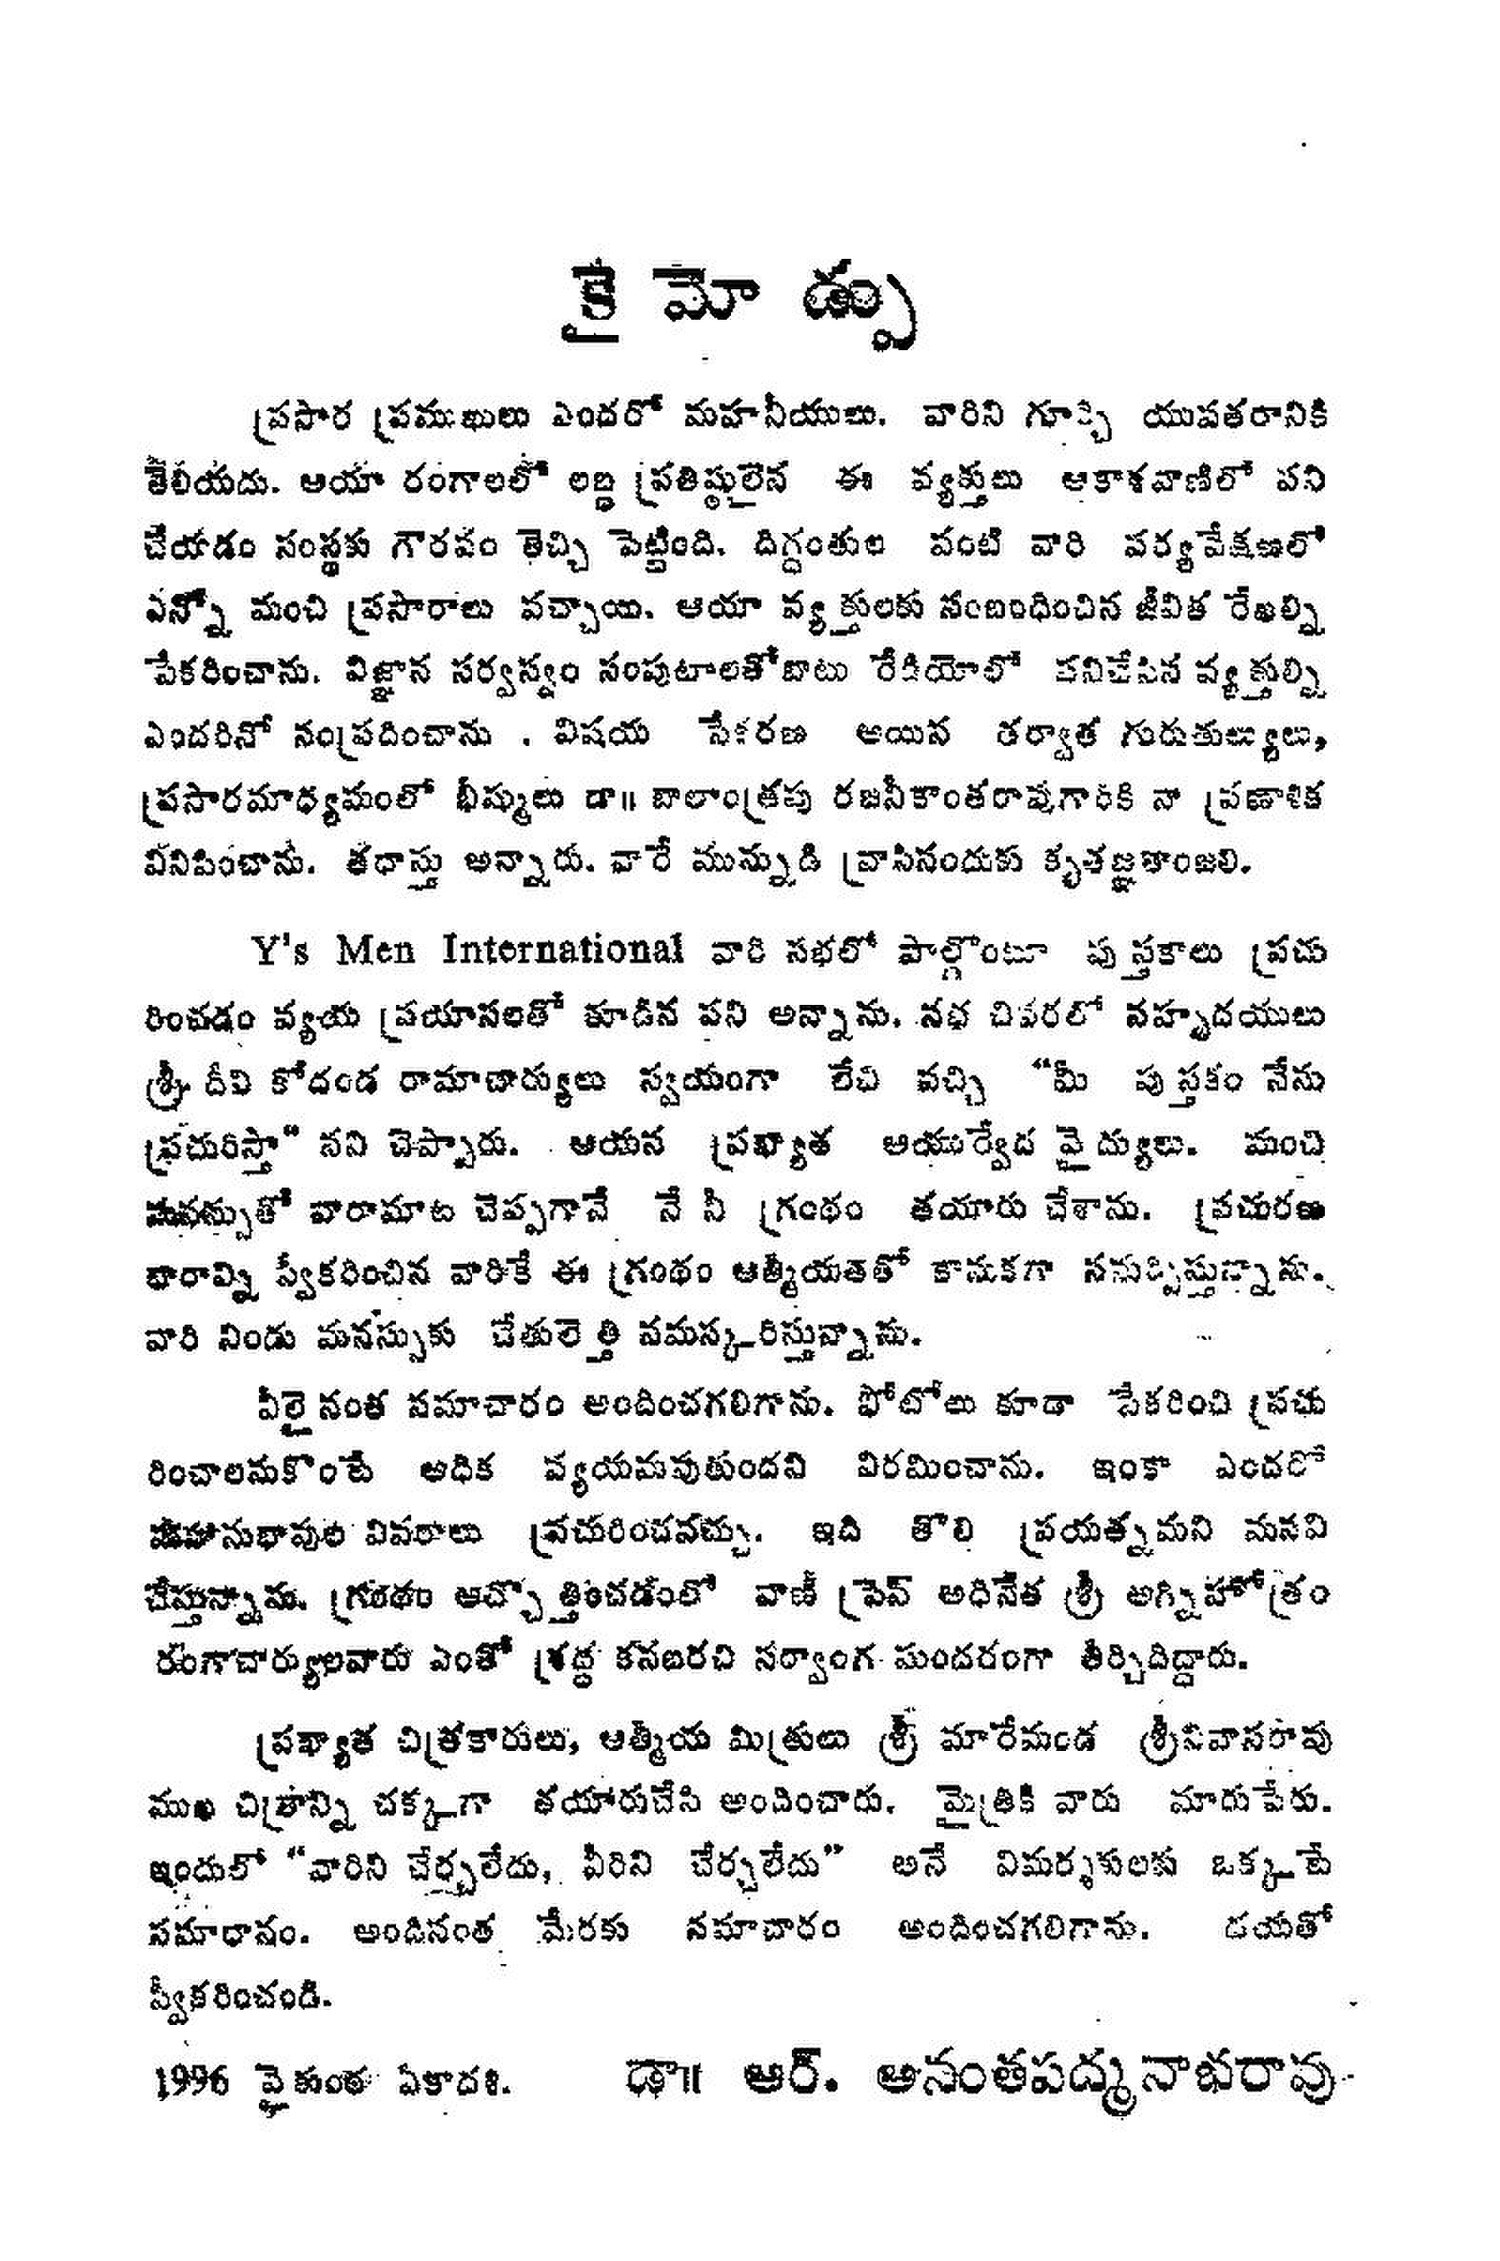ప్రసార ప్రముఖులు ఎందరో మహనీయులు. వారిని గూర్చి యువతరానికి తెలియదు. ఆయా రంగాలలో లబ్ధ ప్రతిష్టులైన ఈ వ్యక్తులు ఆకాశవాణిలో పనిచేయడం సంస్థకు గౌరవం తెచ్చి పెట్టింది. దిగ్ధంతుల వంటి వారి పర్యవేక్షణలో ఎన్నో మంచి ప్రసారాలు వచ్చాయి. ఆయా వ్యక్తులకు సంబంధించిన జీవితరేఖల్ని సేకరించారు. విజ్ఞాన సర్వస్వం సంపుటాలతోబాటు రేడియోలో పనిచేసిన వ్యక్తుల్ని ఎందరినో సంప్రదించాను. విషయ సేకరణ అయిన తర్వాత గురుతుల్యులు, ప్రసారమాధ్యమంలో భీష్ములు డా॥ బాలాంత్రపు రజనీకాంతరావు గారికి నా ప్రణాళిక వినిపించాను. తధాస్తు అన్నారు. వారే మున్నుడి వ్రాసినందుకు కృతజ్ఞతాంజలి.

Y's Men International వారి సభలో పాల్గొంటూ పుస్తకాలు ప్రచురించడం వ్యయ ప్రయాసలతో కూడిన పని అన్నాను. సభ చివరలో సహృదయులు శ్రీ దీవి కోదండ రామాచార్యులు స్వయంగా లేచి వచ్చి "మీ పుస్తకం నేను ప్రచురిస్తా" నని చెప్పారు. ఆయన ప్రఖ్యాత ఆయుర్వేద వైద్యులు. మంచి మనస్సుతో వారామాట చెప్పగానే నేనీ గ్రంథం తయారుచేశాను. ప్రచురణ భారాన్ని స్వీకరించిన వారికే ఈ గ్రంథం ఆత్మీయతతో కానుకగా సమర్పిస్తున్నాను. వారి నిండు మనస్సుకు చేతులెత్తి నమస్కరిస్తున్నాను.

వీలైనంత సమాచారం అందించగలిగాను. పోటోలు కూడా సేకరించి ప్రచురించాలనుకొంటే అధిక వ్యయమవుతుందని విరమించాను. ఇంకా ఎందరో మహానుభావుల వివరాలు ప్రచురించవచ్చు. ఇది తొలి ప్రయత్నమని మనవి చేస్తున్నాను. గ్రంధం అచ్చొత్తించడంలో వాణీ ప్రెస్ అధినేత శ్రీ అగ్నిహోత్రం రంగాచార్యులవారు ఎంతో శ్రద్ధ కనపరచి సర్వాంగ సుందరంగా తీర్చిదిద్దారు.

ప్రఖ్యాత చిత్రకారులు, ఆత్మీయ మిత్రులు శ్రీ మారేమండ శ్రీనివాసరావు ముఖ చిత్రాన్ని చక్కగా తయారుచేసి అందించారు. మైత్రికి వారు మారుపేరు. ఇందులో "వారిని చేర్చలేదు, వీరిని చేర్చలేదు" అనే విమర్శకులకు ఒక్కటే సమాధానం. అందినంత మేరకు సమాచారం అందించగలిగాను. దయతో స్వీకరించండి.

1996 వైకుంఠ ఏకాదశి. డా॥ ఆర్. అనంతపద్మనాభరావు